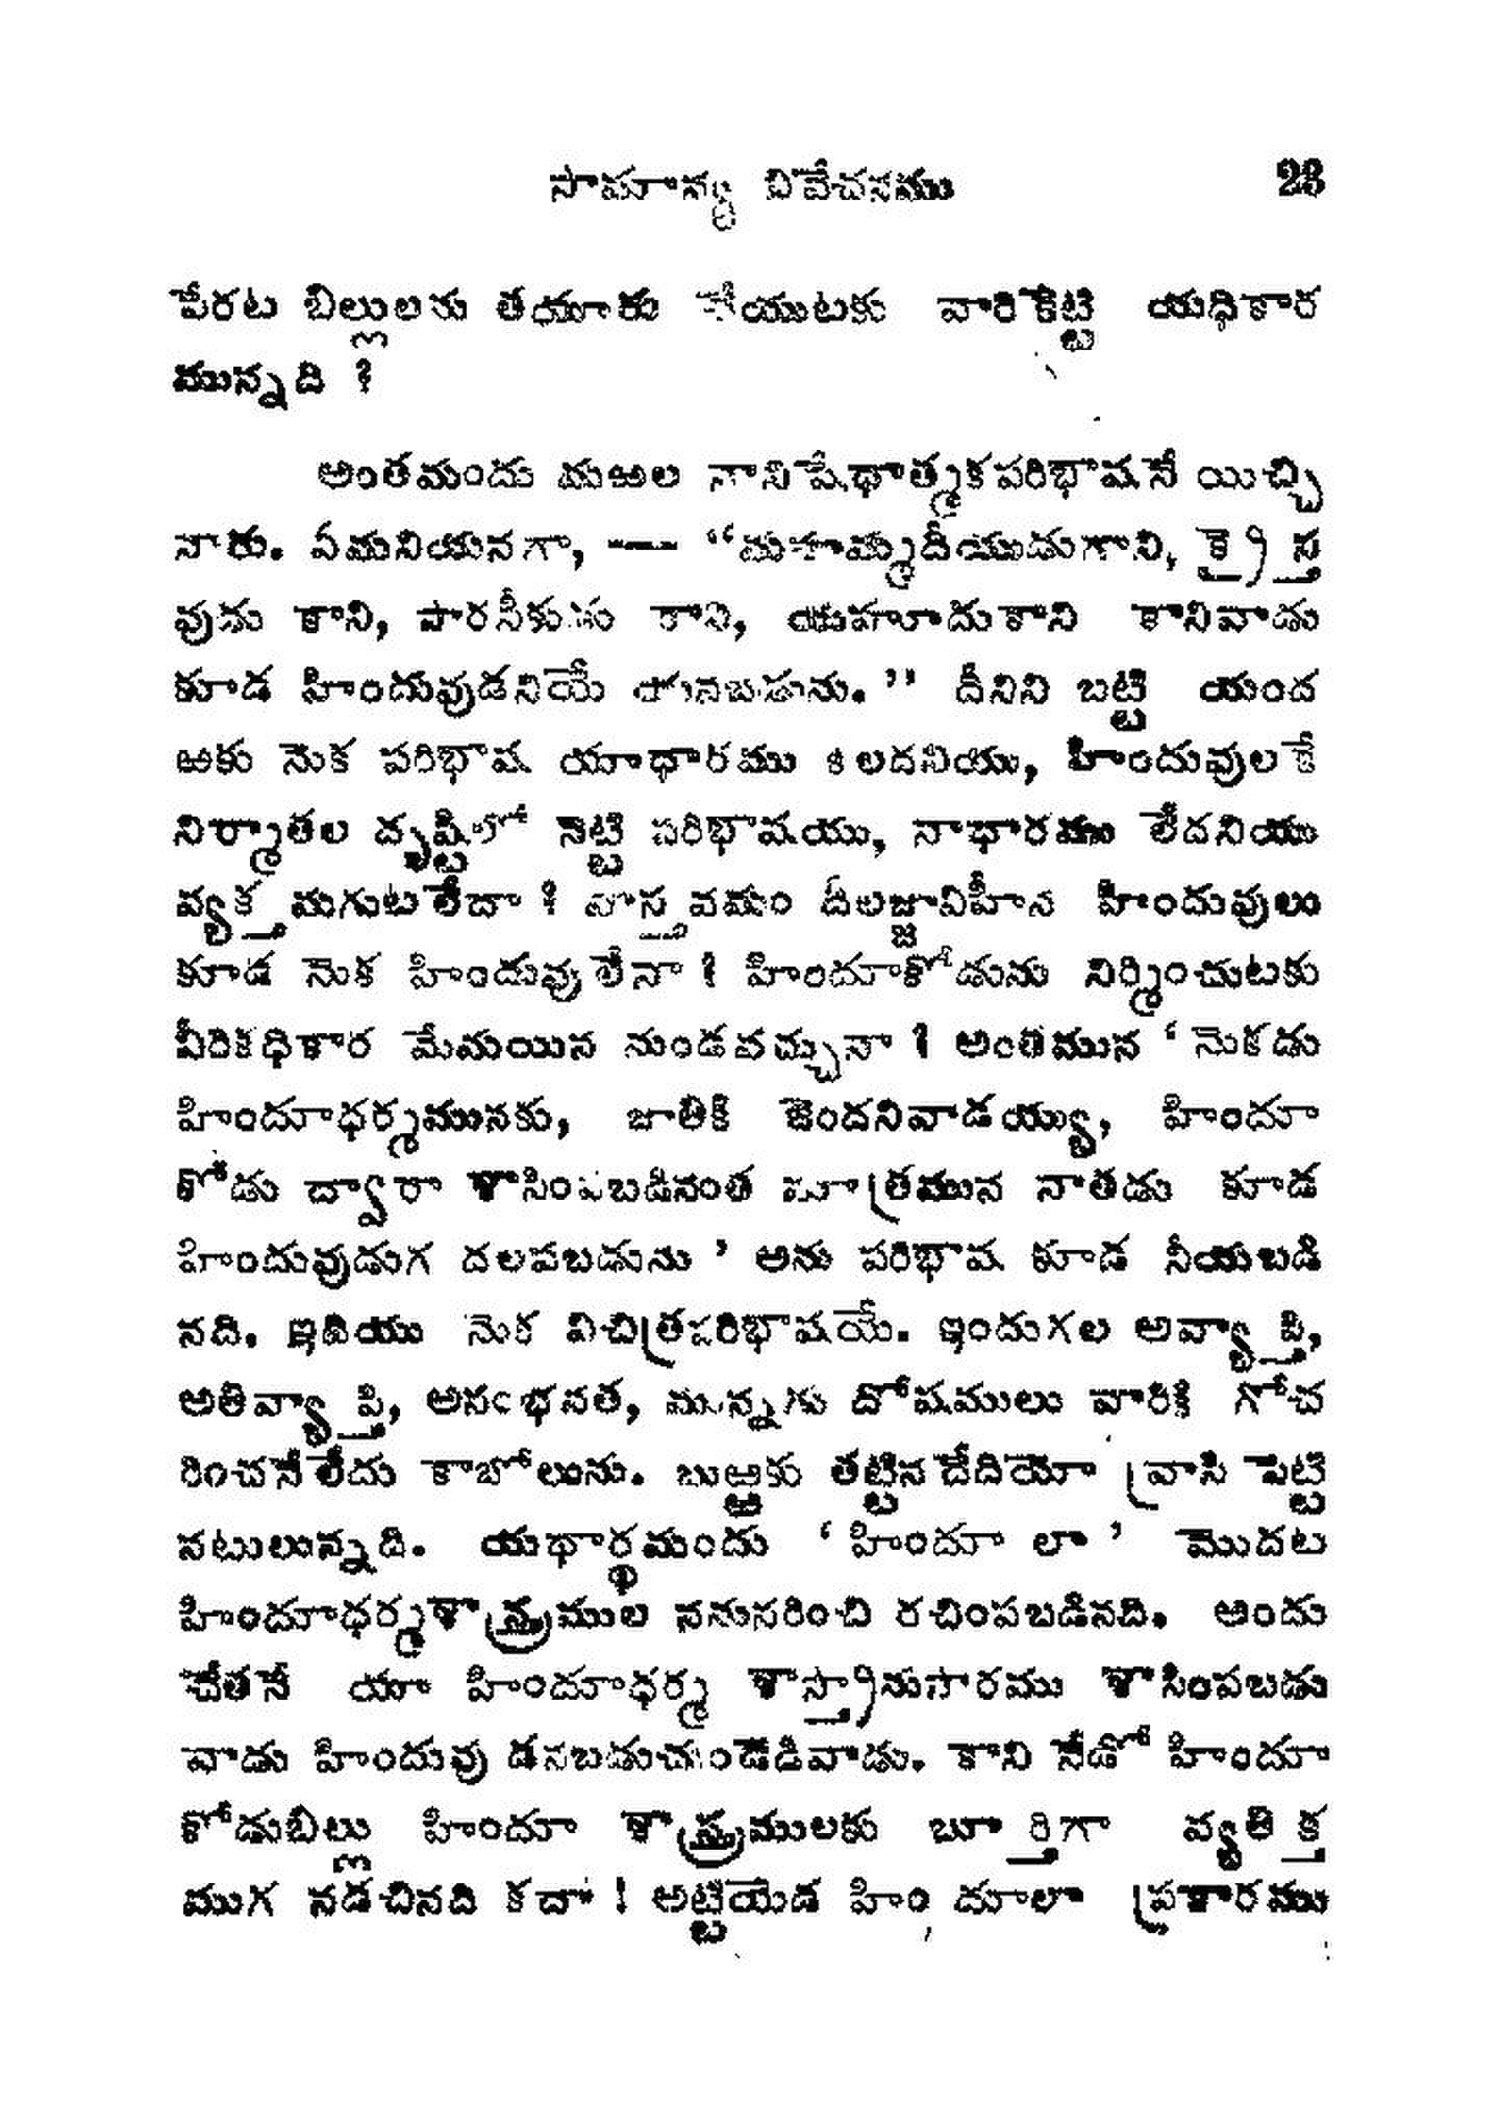పేరట బిల్లులను తయారు చేయుటకు వారికెట్టి యధికార
మున్నది?

అంతమందు మఱల నానిషేధాత్మక పరిభాషనే యిచ్చినారు, 
ఏమనియనగా,"మహమ్మదీయుడుగాని, క్రైస్త
వుడు కాని, పారసీకుడు కాని, యహూదుకాని కానివాడు
కూడ హిందువుడనియే యనబడును." దీనిని బట్టి యందఱకు 
నొక పరిభాష యాధారము కలదనియు, హిందువులకే
నిర్మాతల దృష్టిలో పెట్టి పరిభాషయు, నాధారము లేదనియు
వ్యక్త మగుటలేదా ? వాస్తవమందీలజ్జావిహీన హిందువులు
కూడ నొక హిందువులేనా ? హిందూకోడును నిర్మించుటకు
వీరికధికార మేమయిన నుండవచ్చునా ? అంతమున 'నొకడు
హిందూధర్మమునకు, జాతికి జెందనివాడయ్యు, హిందూ
కోడు ద్వారా శాసింపబడినంత మాత్రమున నాతడు కూడ
హిందువుడుగ దలపబడును' అను పరిభాష కూడ నీయబడి
నది, ఇదియు నెక విచిత్రపరిభాషయే. ఇందుగల అవ్యాప్తి,
అతివ్యాప్తి, అసంభవత, మున్నగు దోషములు వారికి 
గోచరించనేలేదు కాబోలును. బుఱ్ఱకు తట్టిన దేదియో వ్రాసి పెట్టి
నటులున్నది. యథార్థమందు 'హిందూ లా ' మొదట 
హిందూధర్మశాస్త్రముల ననుసరించి రచింపబడినది. అందు
చేతనే యా హిందూధర్మ శాస్త్రానుసారము శాసింపబడు
వాడు హిందువు డనబడుచుండెడివాడు. కాని నేడో హిందూ
కోడుబిలు హిందూ శాస్త్రములకు బూర్తిగా వ్యతిరిక్తముగ 
నడచినది కదా ! అట్టియెడ హిందూలా ప్రకారము